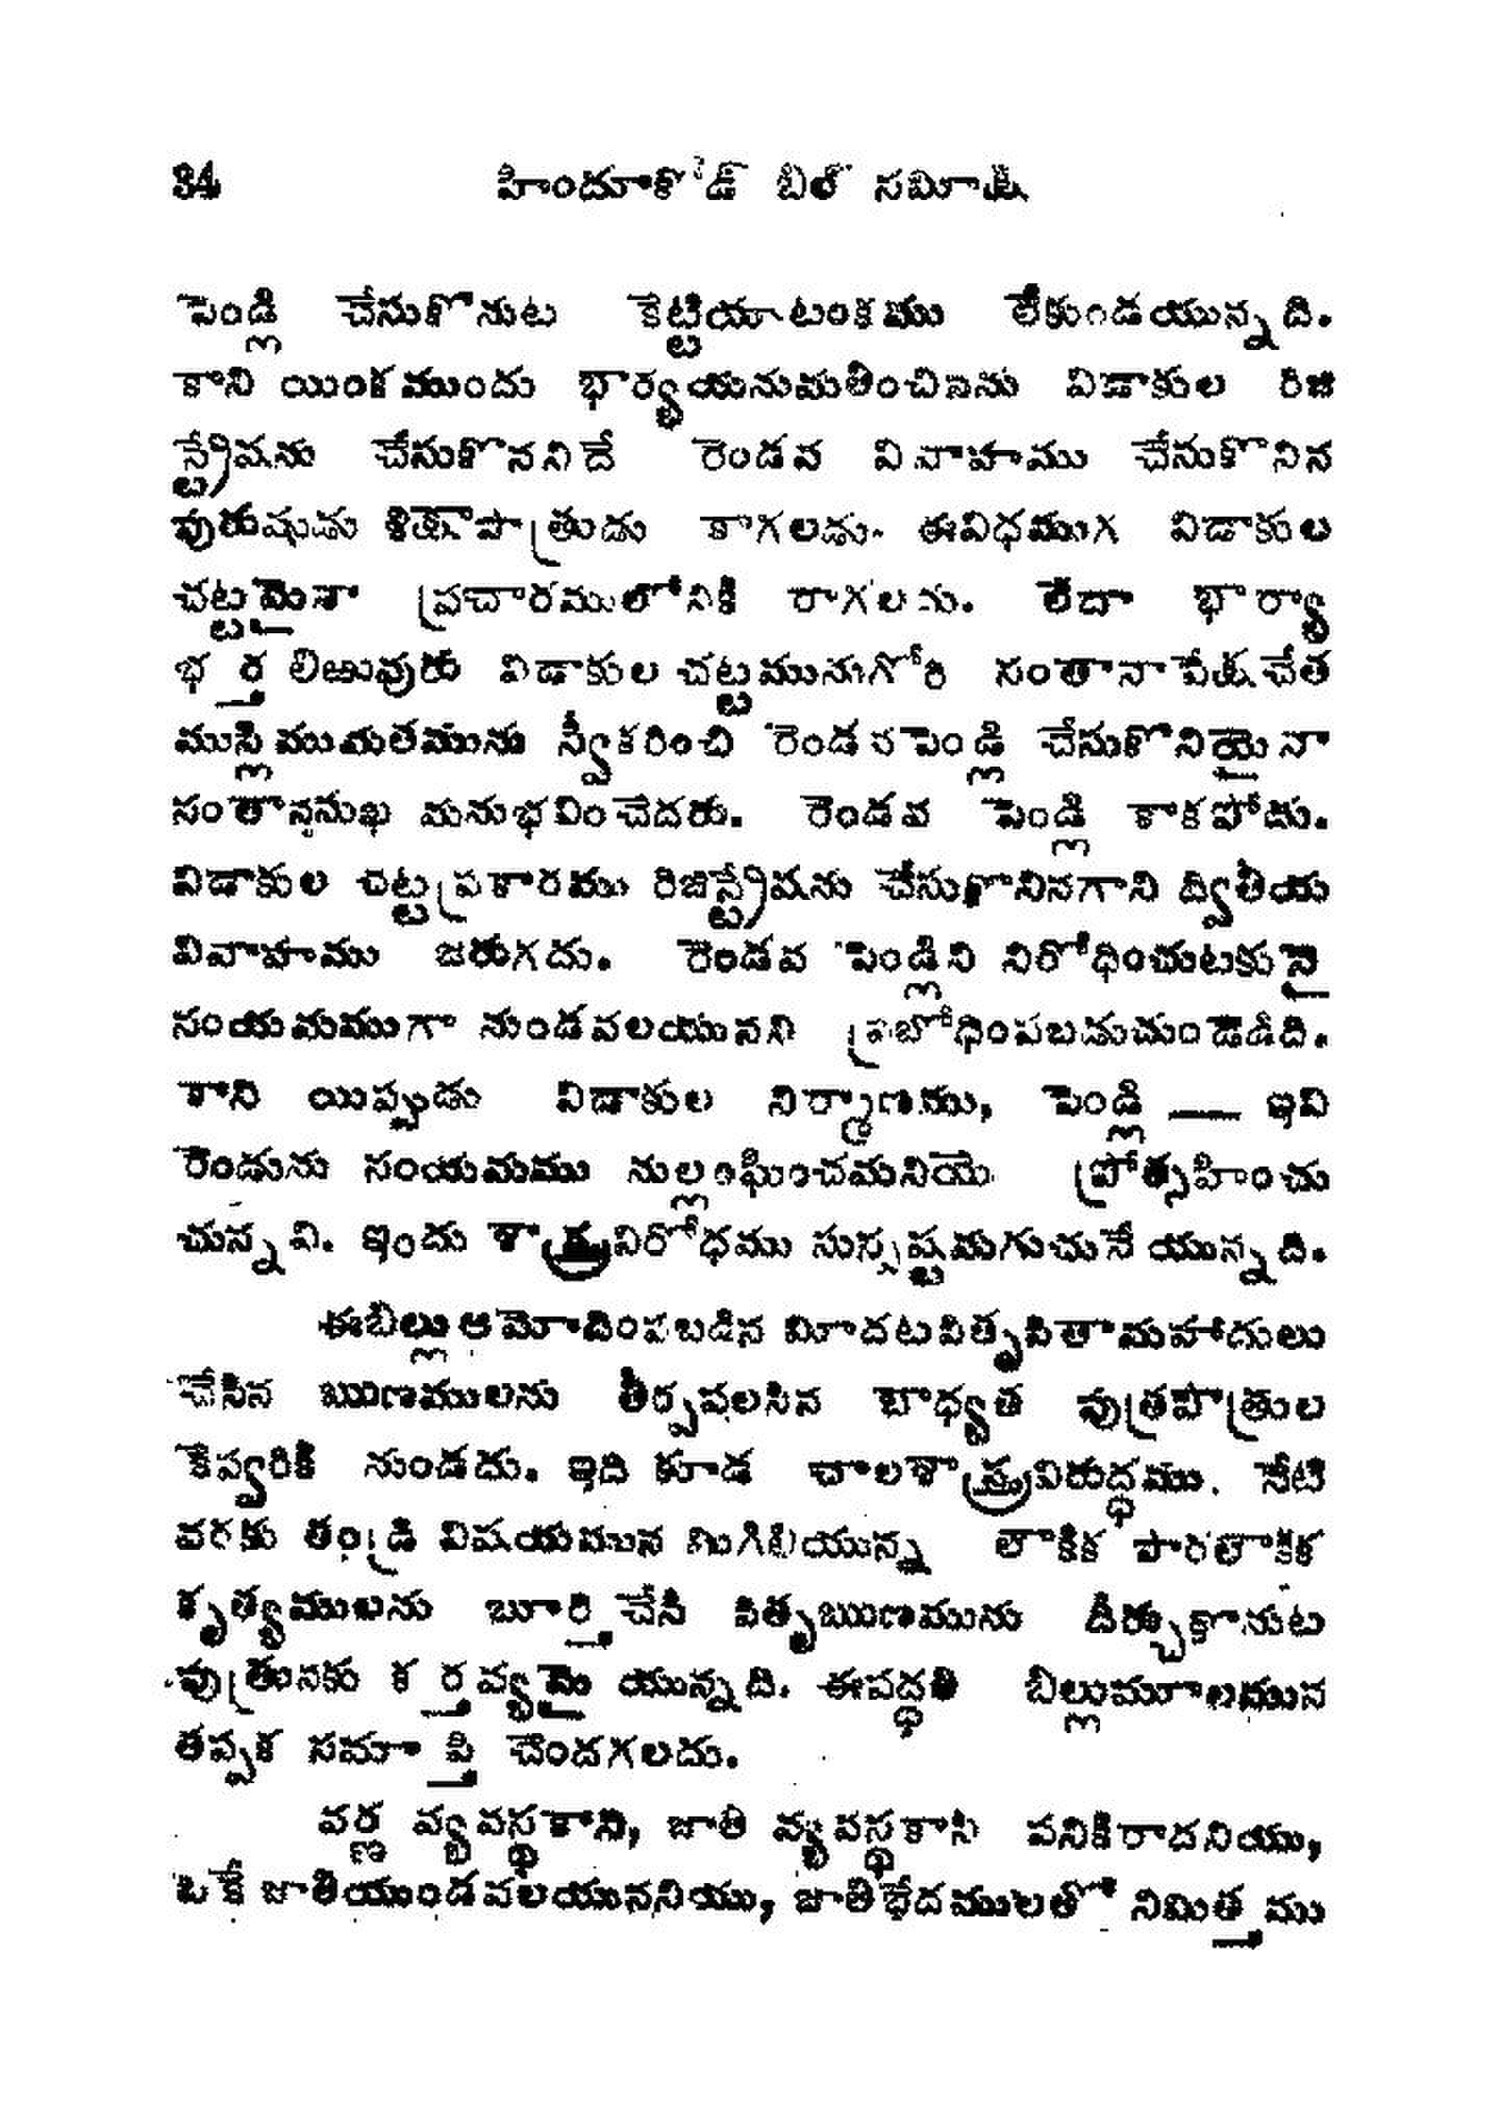పెండ్లి చేసుకొనుట కెట్టియాటంకము లేకుండయున్నది.
కాని యికముందు భార్యయనుమతించినను విడాకుల రిజిస్ట్రేషను 
చేసుకొననిదే రెండవ వివాహము చేసుకొనిన పురుషుడు శిక్షాపాత్రుడు 
కాగలడు. ఈవిధముగ విడాకుల చట్టమైనా ప్రచారములోనికి రాగలదు. 
లేదా భార్యాభర్త లిఱువురు విడాకుల చట్టమునుగోరి సంతానాపేక్ష చేత 
ముస్లిముమతమును స్వీకరించి రెండవ పెండ్లి చేసుకొనియైనా 
సంతానసుఖ మనుభవించెదరు. రెండవ పెండ్లి కాకపోదు. 
విడాకుల చట్టప్రకారము రిజిస్ట్రేషను చేసుకొనినగాని ద్వితీయవివాహము 
జరుగదు. రెండవ పెండ్లిని నిరోధించుటకునై సంయమముగా 
నుండవలయునని ప్రబోధింపబడుచుండెడిది. కాని యిప్పుడు 
విడాకుల నిర్మాణము,పెండ్లి రెండును సంయమము నుల్లంఘించమనియే 
ప్రోత్సహించు చున్నవి. ఇందు శాస్త్రవిరోధము సుస్పష్టమగుచునే యున్నది.

ఈబిల్లు ఆమోదింపబడిన మీదట పితృపితామహాదులు
చేసిన ఋణములను తీర్పవలసిన బాధ్యత పుత్రపౌత్రుల
కెవ్వ రికి నుండదు. ఇది కూడ చాలశాస్త్ర విరుద్ధము, నేటి
వరకు తండ్రి విషయమున మిగిలియున్న లౌకిక పారలౌకిక
కృత్యములను బూర్తి చేసి పితృఋణమును దీర్చుకొనుట
పుత్రునకు కర్తవ్యమై యున్నది. ఈ పద్ధతి
బిల్లుమూలమునతప్పక సమాప్తి చెందగలదు.

వర్ణ వ్యవస్థకాని, జాతి వ్యవస్థకానీ పనికిరాదనియు,
ఒకే జాతి యుండవలయుననియు, జాతి భేదములతో నిమిత్తము